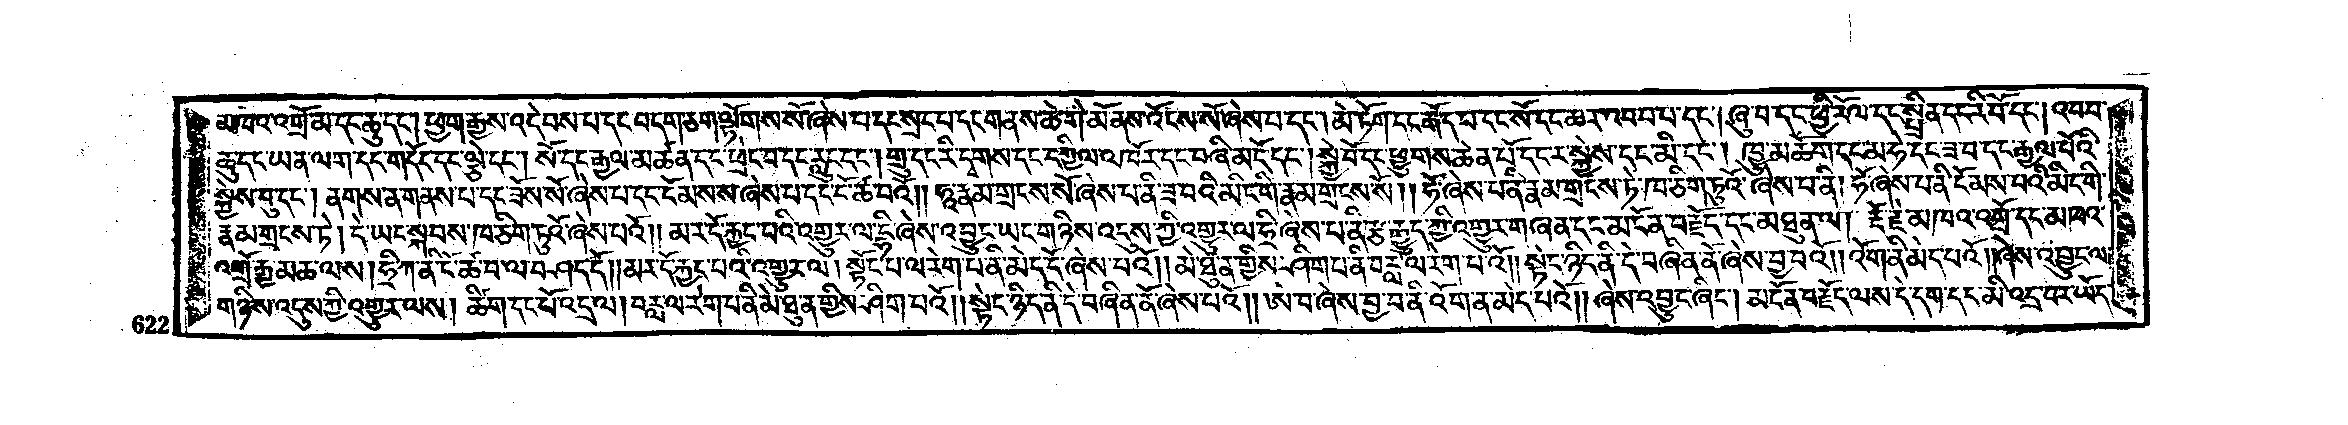མཁའ་འགྲོ་མ་དང་ཆུ་དང་། ཕྱག་རྒྱས་འདེབས་པ་དང་བདག་ཅག་ལྟོགས་སོ་ཞེས་པ་དང་སྲད་པ་དང་གནས་ཆེ་གེ་མོ་ནས་འོངས་སོ་ཞེས་པ་དང་། མེ་ཏོག་དང་རྒོད་པ་དང་སོ་དང་ཆར་འབབ་པ་དང་། ཞུ་བ་དང་ཕྱི་རོལ་དང་སྤྲིན་དང་རི་བོ་དང་། འབབ་
ཆུ་དང་ཡན་ལག་དང་གདོང་དང་ལྕེ་དང་། སོ་དང་རྒྱལ་མཚན་དང་ཕྲེང་བ་དང་རླུང་དང་། གྲུ་དང་རི་དྭགས་དང་དཀྱིལ་འཁོར་དང་བཞི་མདོ་དང་། སྐྱེ་བོ་དང་ཕྱུགས་ཆེན་པོ་དང་ར་སྐྱེས་དང་མི་དང་། ཁྱུ་མཆོག་དང་མ་ཧེ་དང་ཟ་བ་དང་རྒྱལ་པོའི་
སྐྱེས་བུ་དང་། ནགས་ན་གནས་པ་དང་ཟོས་སོ་ཞེས་པ་དང་ངོམས་ས་ཞེས་པ་དང་ངོ་ཚ་བའོ། །ཧཱ་རྣམ་གྲངས་སོ་ཞེས་པ་ནི་ཟ་བའི་མིང་གི་རྣམ་གྲངས་སོ། །ཧོ་ཞེས་པ་ནི་རྣམ་གྲངས་ཏེ་ཁ་ཅིག་ཏུའོ། །ཞེས་པ་ནི། ཧོ་ཞེས་པ་ནི་ངོམས་པའི་མིང་གི་
རྣམ་གྲངས་ཏེ། དེ་ཡང་སྐབས་ཁ་ཅིག་ཏུའོ་ཞེས་པའོ། །མར་དོ་རྐྱང་པའི་འགྱུར་ལ་དྷི་ཞེས་འབྱུང་ཡང་གཉིས་འདུས་ཀྱི་འགྱུར་ལ་ཧྲི་ཞེས་པ་ནི་རྩ་རྒྱུད་ཀྱི་འགྱུར་གཞན་དང་མངོན་བརྗོད་དང་མཐུན་ལ། རྡོ་རྗེ་མཁའ་འགྲོ་དང་མཁའ་
འགྲོ་རྒྱ་མཚོ་ལས། ཧྲི་ཀ་ནི་ངོ་ཚ་བ་ལ་བཤད་དོ། །མར་དོ་རྐྱང་པའི་འགྱུར་ལ། སྟོང་པ་ལ་རེག་པ་ནི་མེད་དོ་ཞེས་པའོ། །མེ་ཐུ་ན་གྱིས་ཤིག་པ་ནི་བརླ་ལ་རེག་པ་འོ། །སྟེང་ཉིད་ནི་དེ་བཞིན་ནོ་ཞེས་བྱ་བའོ། །འོག་ནི་མེད་པའོ། །ཞེས་འབྱུང་ལ་
གཉིས་འདུས་ཀྱི་འགྱུར་ལས། ཚིག་དང་པོ་འདྲ་ལ། བརླ་ལ་རེག་པ་ནི་མེ་ཐུ་ན་གྱིས་ཤིག་པའོ། །སྟེང་ཉིད་ནི་དེ་བཞིན་ནོ་ཞེས་པའོ། །ཨེ་བ་ཞེས་བྱ་བ་ནི་འོག་ན་མེད་པའོ། །ཞེས་འབྱུང་ཞིང་། མངོན་བརྗོད་ལས་དེ་དག་དང་མི་འདྲ་བར་ཡོད་